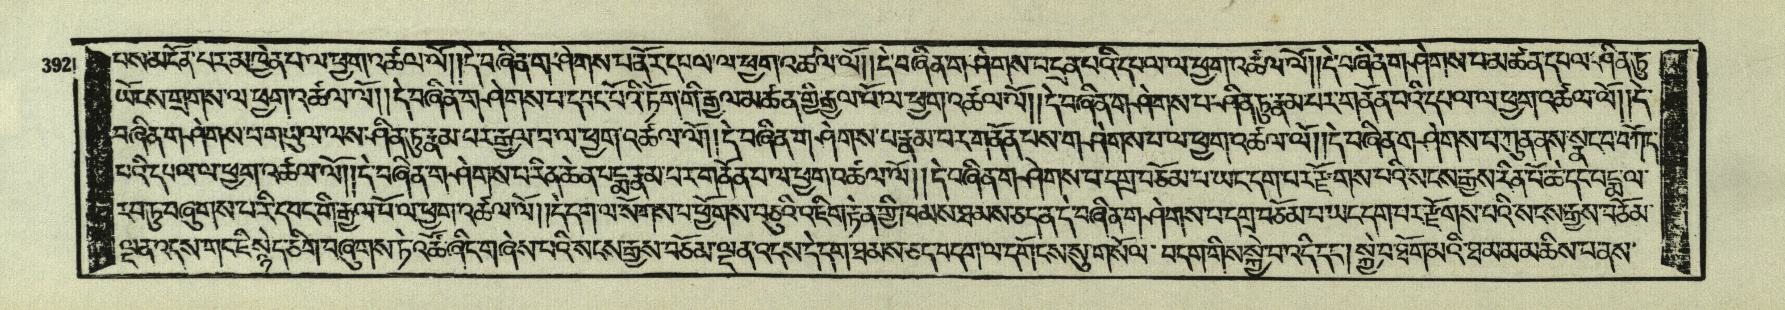པས་མངོན་པར་མཁྱེན་པ་ལ་ཕྱག་འཚལ་ལོ། །དེ་བཞིན་གཤེགས་པ་ནོར་དཔལ་ལ་ཕྱག་འཚལ་ལོ། །དེ་བཞིན་གཤེགས་པ་དྲན་པའི་དཔལ་ལ་ཕྱག་འཚལ་ལོ། །དེ་བཞིན་གཤེགས་པ་མཚན་དཔལ་ཤིན་ཏུ་
ཡོངས་གྲགས་ལ་ཕྱག་འཚལ་ལོ། །དེ་བཞིན་གཤེགས་པ་དབང་པོའི་ཏོག་གི་རྒྱལ་མཚན་གྱི་རྒྱལ་པོ་ལ་ཕྱག་འཚལ་ལོ། །དེ་བཞིན་གཤེགས་པ་ཤིན་ཏུ་རྣམ་པར་གནོན་པའི་དཔལ་ལ་ཕྱག་འཚལ་ལོ། །དེ་
བཞིན་གཤེགས་པ་གཡུལ་ལས་ཤིན་ཏུ་རྣམ་པར་རྒྱལ་བ་ལ་ཕྱག་འཚལ་ལོ། །དེ་བཞིན་གཤེགས་པ་རྣམ་པར་གནོན་པས་གཤེགས་པ་ལ་ཕྱག་འཚལ་ལོ། །དེ་བཞིན་གཤེགས་པ་ཀུན་ནས་སྣང་བ་བཀོད་
པའི་དཔལ་ལ་ཕྱག་འཚལ་ལོ། །དེ་བཞིན་གཤེགས་པ་རིན་ཆེན་པདམ་རྣམ་པར་གནོན་པ་ལ་ཕྱག་འཚལ་ལོ། །དེ་བཞིན་གཤེགས་པ་དགྲ་བཅོམ་པ་ཡང་དག་པར་རྫོགས་པའི་སངས་རྒྱས་རིན་པོ་ཆེ་དང་པདམ་ལ་
རབ་ཏུ་བཞུགས་པ་རི་དབང་གི་རྒྱལ་པོ་ལ་ཕྱག་འཚལ་ལོ། །དེ་དག་ལ་སོགས་པ་ཕྱོགས་བཅུའི་འཇིག་རྟེན་གྱི་ཁམས་ཐམས་ཅད་ན་དེ་བཞིན་གཤེགས་པ་དགྲ་བཅོམ་པ་ཡང་དག་པར་རྫོགས་པའི་སངས་རྒྱས་བཅོམ་
ལྡན་འདས་གང་ཇི་སྙེད་ཅིག་བཞུགས་ཏེ་འཚོ་ཞིང་གཞེས་པའི་སངས་རྒྱས་བཅོམ་ལྡན་འདས་དེ་དག་ཐམས་ཅད་བདག་ལ་དགོངས་སུ་གསོལ་བདག་གིས་སྐྱེ་བ་འདི་དང་། སྐྱེ་བ་ཐོག་མའི་ཐ་མ་མ་མཆིས་པ་ནས་